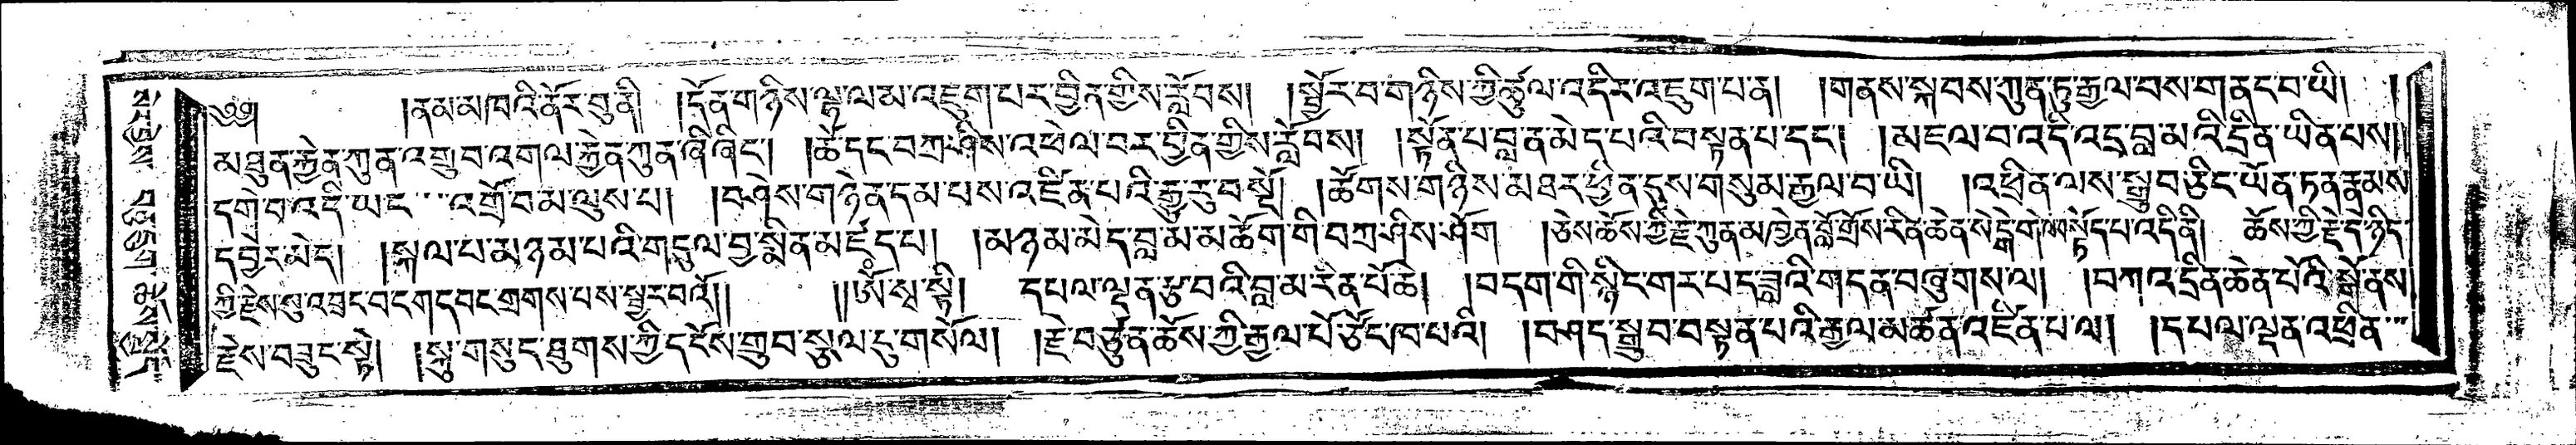༄༅། །ནམ་མཁའི་ནོར་བུ་ནི། །དོན་གཉིས་ལྷ་ལམ་འཇུག་པར་བྱིན་གྱིས་རློབས། །སྦྱོར་བ་གཉིས་ཀྱི་ཚུལ་འདིར་འཇུག་པ་ན། །གནས་སྐབས་ཀུན་ཏུ་རྒྱལ་བས་གནང་བ་ཡི། །
མཐུན་རྐྱེན་ཀུན་འགྲུབ་འགལ་རྐྱེན་ཀུན་ཞི་ཞིང་། །ཚེ་དང་བཀྲ་ཤིས་འཕེལ་བར་བྱིན་གྱིས་རློབས། །སྟོན་པ་བླ་ན་མེད་པའི་བསྟན་པ་དང་། །མཇལ་བ་འདི་འདྲ་བླ་མའི་དྲིན་ཡིན་པས། །
དགེ་བ་འདི་ཡང་འགྲོ་བ་མ་ལུས་པ། །བཤེས་གཉེན་དམ་པས་འཛིན་པའི་རྒྱུ་རུ་བསྔོ། །ཚོགས་གཉིས་མཐར་ཕྱིན་དུས་གསུམ་རྒྱལ་བ་ཡི། །འཕྲིན་ལས་སྒྲུབ་ཅིང་ཡོན་ཏན་རྣམས་
དབྱེར་མེད། །སྐལ་བ་མཉམ་པའི་གདུལ་བྱ་སྨིན་མཛད་པ། །མཉམ་མེད་བླ་མ་མཆོག་གི་བཀྲ་ཤིས་ཤོག །ཅེས་ཆོས་ཀྱི་རྗེ་ཀུན་མཁྱེན་བློ་གྲོས་རིན་ཆེན་སེངྒེ་གེ་ལ་བསྟོད་པ་འདི་ནི། ཆོས་ཀྱི་རྗེ་དེ་ཉིད་
ཀྱི་རྗེས་སུ་འབྲང་བ་ངག་དབང་གྲགས་པས་སྦྱར་བའོ།། །།ཨོཾ་སྭ་སྟི། དཔལ་ལྡན་རྩ་བའི་བླ་མ་རིན་པོ་ཆེ། །བདག་གི་སྙིང་གར་པད་ཟླའི་གདན་བཞུགས་ལ། །བཀའ་དྲིན་ཆེན་པོའི་སྒོ་ནས་
རྗེས་བཟུང་སྟེ། །སྐུ་གསུང་ཐུགས་ཀྱི་དངོས་གྲུབ་སྩལ་དུ་གསོལ། །རྗེ་བཙུན་ཆོས་ཀྱི་རྒྱལ་པོ་ཙོང་ཁ་པའི། །བཤད་སྒྲུབ་བསྟན་པའི་རྒྱལ་མཚན་འཛིན་པ་ལ། །དཔལ་ལྡན་འཕྲིན་